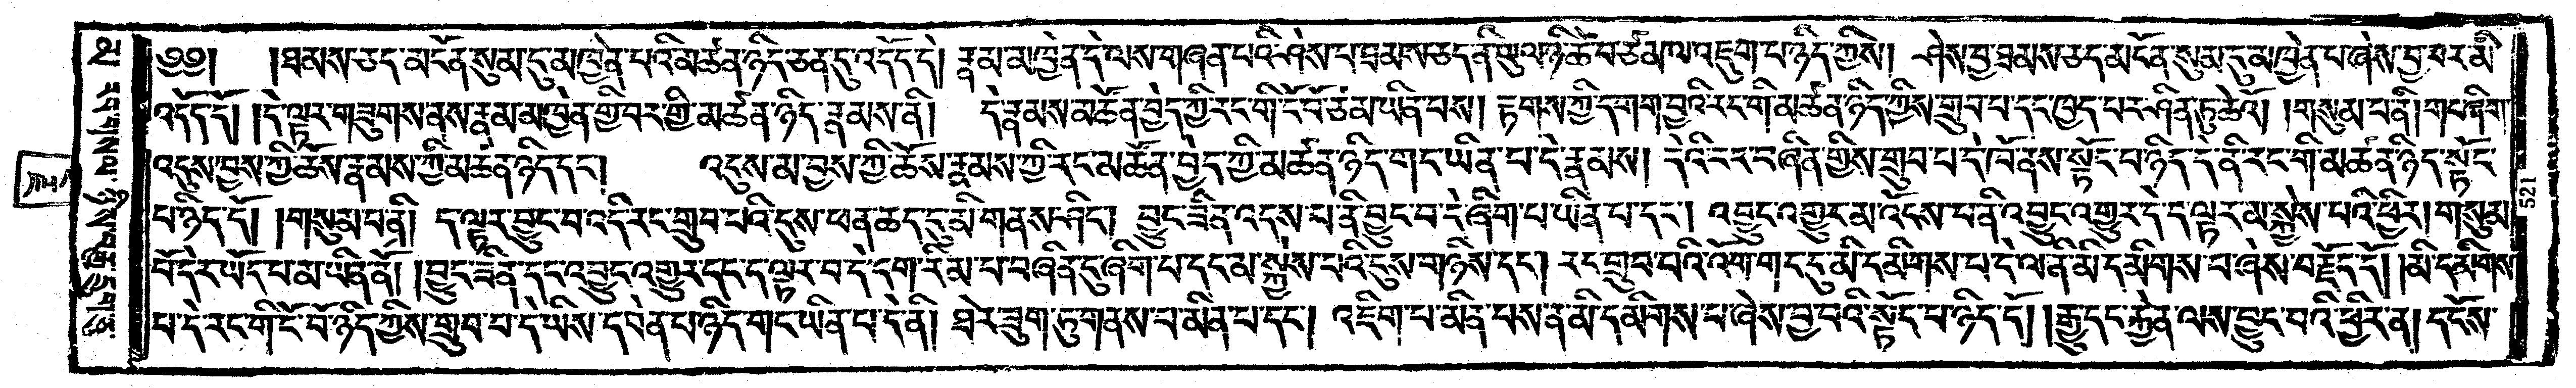༄༅། །ཐམས་ཅད་མངོན་སུམ་དུ་མཁྱེན་པའི་མཚན་ཉིད་ཅན་དུ་འདོད་དེ། རྣམ་མཁྱེན་དེ་ལས་གཞན་པའི་ཤེས་པ་ཐམས་ཅད་ནི་ཡུལ་ཉི་ཚེ་བ་ཙམ་ལ་འཇུག་པ་ཉིད་ཀྱིས། ཤེས་བྱ་ཐམས་ཅད་མངོན་སུམ་དུ་མཁྱེན་པ་ཞེས་བྱ་བར་མི་
འདོད་དོ། །དེ་ལྟར་གཟུགས་ནས་རྣམ་མཁྱེན་གྱི་བར་གྱི་མཚན་ཉིད་རྣམས་ནི། དེ་རྣམས་མཚོན་བྱེད་ཀྱི་རང་གི་ངོ་བོ་ཙམ་ཡིན་པས། རྟགས་ཀྱི་དགག་བྱའི་རང་གི་མཚན་ཉིད་ཀྱིས་གྲུབ་པ་དང་ཁྱད་པར་ཤིན་ཏུ་ཆེའོ། །གསུམ་པ་ནི། གང་ཞིག་
འདུས་བྱས་ཀྱི་ཆོས་རྣམས་ཀྱི་མཚན་ཉིད་དང་། འདུས་མ་བྱས་ཀྱི་ཆོས་རྣམས་ཀྱི་རང་མཚོན་བྱེད་ཀྱི་མཚན་ཉིད་གང་ཡིན་པ་དེ་རྣམས། དེའི་རང་བཞིན་གྱིས་གྲུབ་པ་དེ་ཁོ་ནས་སྟོང་པ་ཉིད་དེ་ནི་རང་གི་མཚན་ཉིད་སྟོང་
པ་ཉིད་དོ། །གསུམ་པ་ནི། དེ་ལྟར་བྱུང་བ་འདི་རང་གྲུབ་པའི་དུས་ཕན་ཆད་དུ་མི་གནས་ཤིང་། བྱུང་ཟིན་འདས་པ་ནི་བྱུང་བ་དེ་ཞིག་པ་ཡིན་པ་དང་། འབྱུང་འགྱུར་མ་འོངས་པ་ནི་འབྱུང་འགྱུར་དེ་ད་ལྟར་མ་སྐྱེས་པའི་ཕྱིར། གསུམ་
པོ་དེར་ཡོད་པ་མ་ཡིན་ནོ། །བྱུང་ཟིན་དང་འབྱུང་འགྱུར་དང་ད་ལྟར་བ་དེ་དག་རིམ་པ་བཞིན་དུ་ཞིག་པ་དང་མ་སྐྱེས་པའི་དུས་གཉིས་དང་། རང་གྲུབ་པའི་འོག་གང་དུ་མི་དམིགས་པ་དེ་ལ་ནི་མི་དམིགས་པ་ཞེས་བརྗོད་དོ། །མི་དམིགས་
པ་དེ་རང་གི་ངོ་བོ་ཉིད་ཀྱིས་གྲུབ་པ་དེ་ཡིས་དབེན་པ་ཉིད་གང་ཡིན་པ་དེ་ནི། ཐེར་ཟུག་ཏུ་གནས་པ་མིན་པ་དང་། འཇིག་པ་མིན་པས་ན་མི་དམིགས་པ་ཞེས་བྱ་བའི་སྟོང་པ་ཉིད་དོ། རྒྱུ་དང་རྐྱེན་ལས་བྱུང་བའི་ཕྱིར་ན། དངོས་